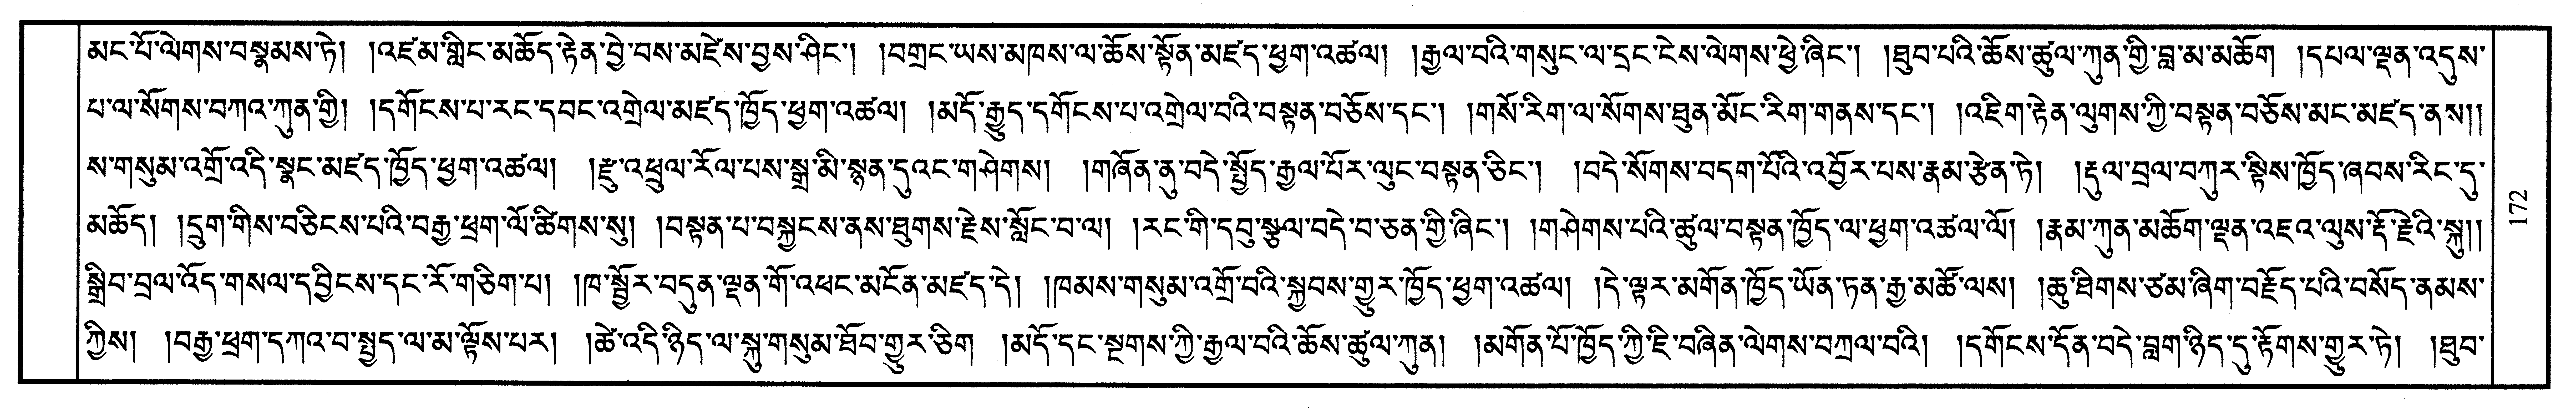མང་པོ་ལེགས་བསྣམས་ཏེ། །འཛམ་གླིང་མཆོད་རྟེན་བྱེ་བས་མཛེས་བྱས་ཤིང་། །བགྲང་ཡས་མཁས་ལ་ཆོས་སྟོན་མཛད་ཕྱག་འཚལ། །རྒྱལ་བའི་གསུང་ལ་དྲང་ངེས་ལེགས་ཕྱེ་ཞིང་། །ཐུབ་པའི་ཆོས་ཚུལ་ཀུན་གྱི་བླ་མ་མཆོག །དཔལ་ལྡན་འདུས་
པ་ལ་སོགས་བཀའ་ཀུན་གྱི། །དགོངས་པ་རང་དབང་འགྲེལ་མཛད་ཁྱོད་ཕྱག་འཚལ། །མདོ་རྒྱུད་དགོངས་པ་འགྲེལ་བའི་བསྟན་བཅོས་དང་། །གསོ་རིག་ལ་སོགས་ཐུན་མོང་རིག་གནས་དང་། །འཇིག་རྟེན་ལུགས་ཀྱི་བསྟན་བཅོས་མང་མཛད་ནས།།
ས་གསུམ་འགྲོ་འདི་སྣང་མཛད་ཁྱོད་ཕྱག་འཚལ། །རྫུ་འཕྲུལ་རོལ་པས་སྒྲ་མི་སྙན་དུའང་གཤེགས། །གཞོན་ནུ་བདེ་སྤྱོད་རྒྱལ་པོར་ལུང་བསྟན་ཅིང་། །བདེ་སོགས་བདག་པོའི་འབྱོར་པས་རྣམ་རྩེན་ཏེ། །རྡུལ་བྲལ་བཀུར་སྟིས་ཁྱོད་ཞབས་རིང་དུ་
མཆོད། །དྲུག་གིས་བཅིངས་པའི་བརྒྱ་ཕྲག་ལོ་ཚིགས་སུ། །བསྟན་པ་བསྐྱངས་ནས་ཐུགས་རྗེས་སློང་བ་ལ། །རང་གི་དབུ་སྩལ་བདེ་བ་ཅན་གྱི་ཞིང་། །གཤེགས་པའི་ཚུལ་བསྟན་ཁྱོད་ལ་ཕྱག་འཚལ་ལོ། །རྣམ་ཀུན་མཆོག་ལྡན་འཇའ་ལུས་རྡོ་རྗེའི་སྐུ། །
སྒྲིབ་བྲལ་འོད་གསལ་དབྱིངས་དང་རོ་གཅིག་པ། །ཁ་སྦྱོར་བདུན་ལྡན་གོ་འཕང་མངོན་མཛད་དེ། །ཁམས་གསུམ་འགྲོ་བའི་སྐྱབས་གྱུར་ཁྱོད་ཕྱག་འཚལ། །དེ་ལྟར་མགོན་ཁྱོད་ཡོན་ཏན་རྒྱ་མཚོ་ལས། །ཆུ་ཐིགས་ཙམ་ཞིག་བརྗོད་པའི་བསོད་ནམས་
ཀྱིས། །བརྒྱ་ཕྲག་དཀའ་བ་སྤྱད་ལ་མ་ལྟོས་པར། །ཚེ་འདི་ཉིད་ལ་སྐུ་གསུམ་ཐོབ་གྱུར་ཅིག །མདོ་དང་སྔགས་ཀྱི་རྒྱལ་བའི་ཆོས་ཚུལ་ཀུན། །མགོན་པོ་ཁྱོད་ཀྱི་ཇི་བཞིན་ལེགས་བཀྲལ་བའི། །དགོངས་དོན་བདེ་བླག་ཉིད་དུ་རྟོགས་གྱུར་ཏེ། །ཐུབ་